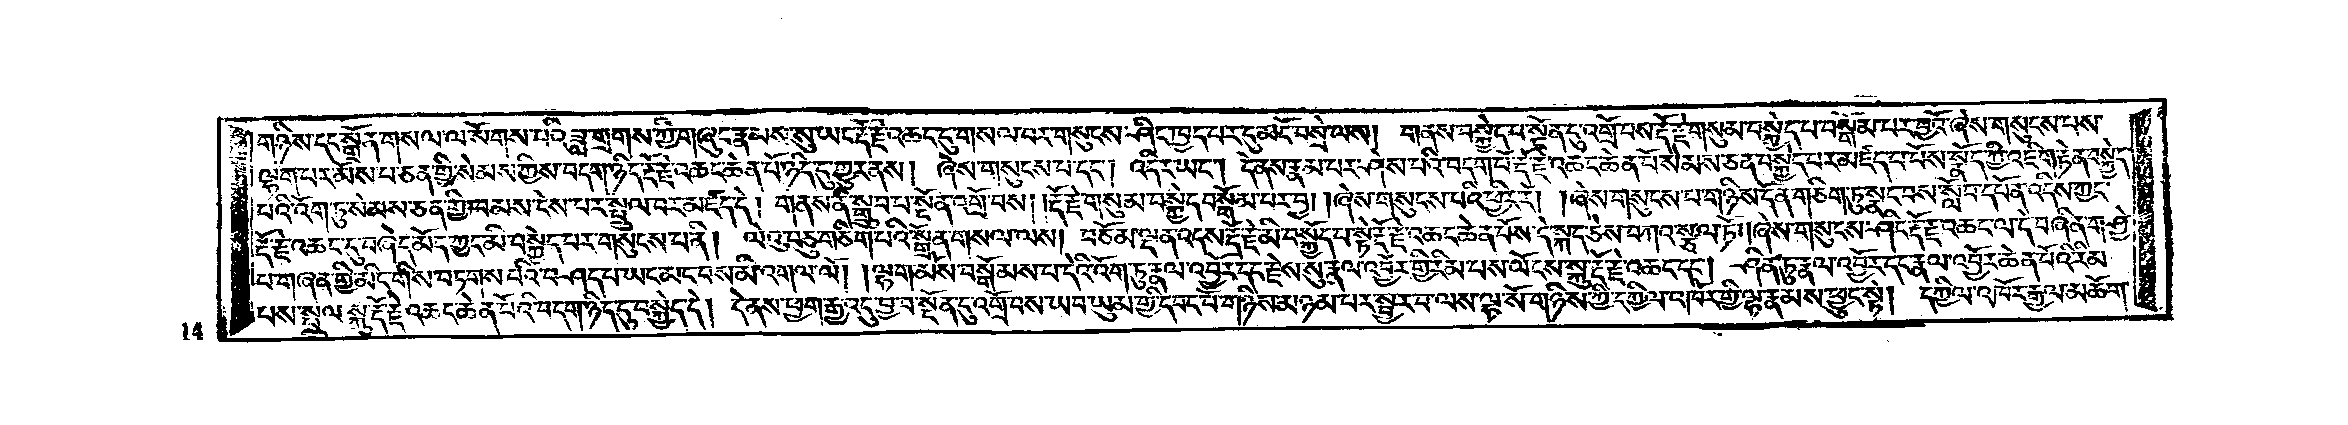གཉིས་དང་སྒྲོན་གསལ་ལ་སོགས་པའི་ཟླ་གྲགས་ཀྱི་གཞུང་རྣམས་སུ་ཡང་རྡོ་རྗེ་འཆང་དུ་གསལ་བར་གསུངས་ཤིང་ཁྱད་པར་དུ་མདོ་བསྲེ་ལས། གནས་བསྐྱེད་པ་སྔོན་དུ་འགྲོ་བས་རྡོ་རྗེ་གསུམ་བསྐྱེད་པ་བསྒོམ་པར་བྱའོ་ཞེས་གསུངས་པས་
ལྷག་པར་མོས་པ་ཅན་གྱི་སེམས་ཀྱིས་བདག་ཉིད་རྡོ་རྗེ་འཆང་ཆེན་པོ་ཉིད་དུ་གྱུར་ནས། ཞེས་གསུངས་པ་དང་། འདིར་ཡང་། དེ་ནས་རྣམ་པར་ཤེས་པའི་བདག་པོ་རྡོ་རྗེ་འཆང་ཆེན་པོ་སེམས་ཅན་བསྐྱེད་པར་མཛད་པ་པོས་སྣོད་ཀྱི་འཇིག་རྟེན་བསྐྱེད་
པའི་འོག་ཏུ་སེམས་ཅན་གྱི་ཁམས་ངེས་པར་སྤྲུལ་བར་མཛད་དེ། གནས་ནི་སྒྲུབ་པ་སྔོན་འགྲོ་བས། །རྡོ་རྗེ་གསུམ་བསྐྱེད་བསྒོམ་པར་བྱ། །ཞེས་གསུངས་པའི་ཕྱིར་རོ། །ཞེས་གསུངས་པ་གཉིས་དོན་གཅིག་ཏུ་སྣང་བས་སློབ་དཔོན་འདིས་ཀྱང་
རྡོ་རྗེ་འཆང་དུ་བཞེད་མོད་ཀྱང་མི་བསྐྱེད་པར་གསུངས་པ་ནི། ལེའུ་བཅུ་གཅིག་པའི་སྒྲོན་གསལ་ལས། བཅོམ་ལྡན་འདས་རྡོ་རྗེ་མི་བསྐྱོད་པ་སྟེ་རྡོ་རྗེ་འཆང་ཆེན་པོས་དེ་སྐད་ཅེས་བཀའ་སྩལ་ཏོ། །ཞེས་གསུངས་ཤིང་རྡོ་རྗེ་འཆང་ལ་དེ་བཞིན་གཤེགས་
པ་གཞན་གྱི་མིང་གིས་བཏགས་པའི་བཤད་པ་ཡང་མང་བས་མི་འགལ་ལོ། །ལྷག་མོས་བསྒོམས་པ་དེའི་འོག་ཏུ་རྣལ་འབྱོར་དང་རྗེས་སུ་རྣལ་འབྱོར་གྱི་རིམ་པས་ལོངས་སྐུ་རྡོ་རྗེ་འཆང་དང་། ཤིན་ཏུ་རྣལ་འབྱོར་དང་རྣལ་འབྱོར་ཆེན་པོའི་རིམ་
པས་སྤྲུལ་སྐུ་རྡོ་རྗེ་འཆང་ཆེན་པོའི་བདག་ཉིད་དུ་བསྐྱེད་དེ། དེ་ནས་ཕྱག་རྒྱ་འདུ་བྱ་བ་སྔོན་དུ་འགྲོ་བས་ཡབ་ཡུམ་གྱི་དབང་པོ་གཉིས་མཉམ་པར་སྦྱར་བ་ལས་ལྷ་སོ་གཉིས་ཀྱི་དཀྱིལ་འཁོར་གྱི་ལྷ་རྣམས་ཕྱུང་སྟེ། དཀྱིལ་འཁོར་རྒྱལ་མཆོག་